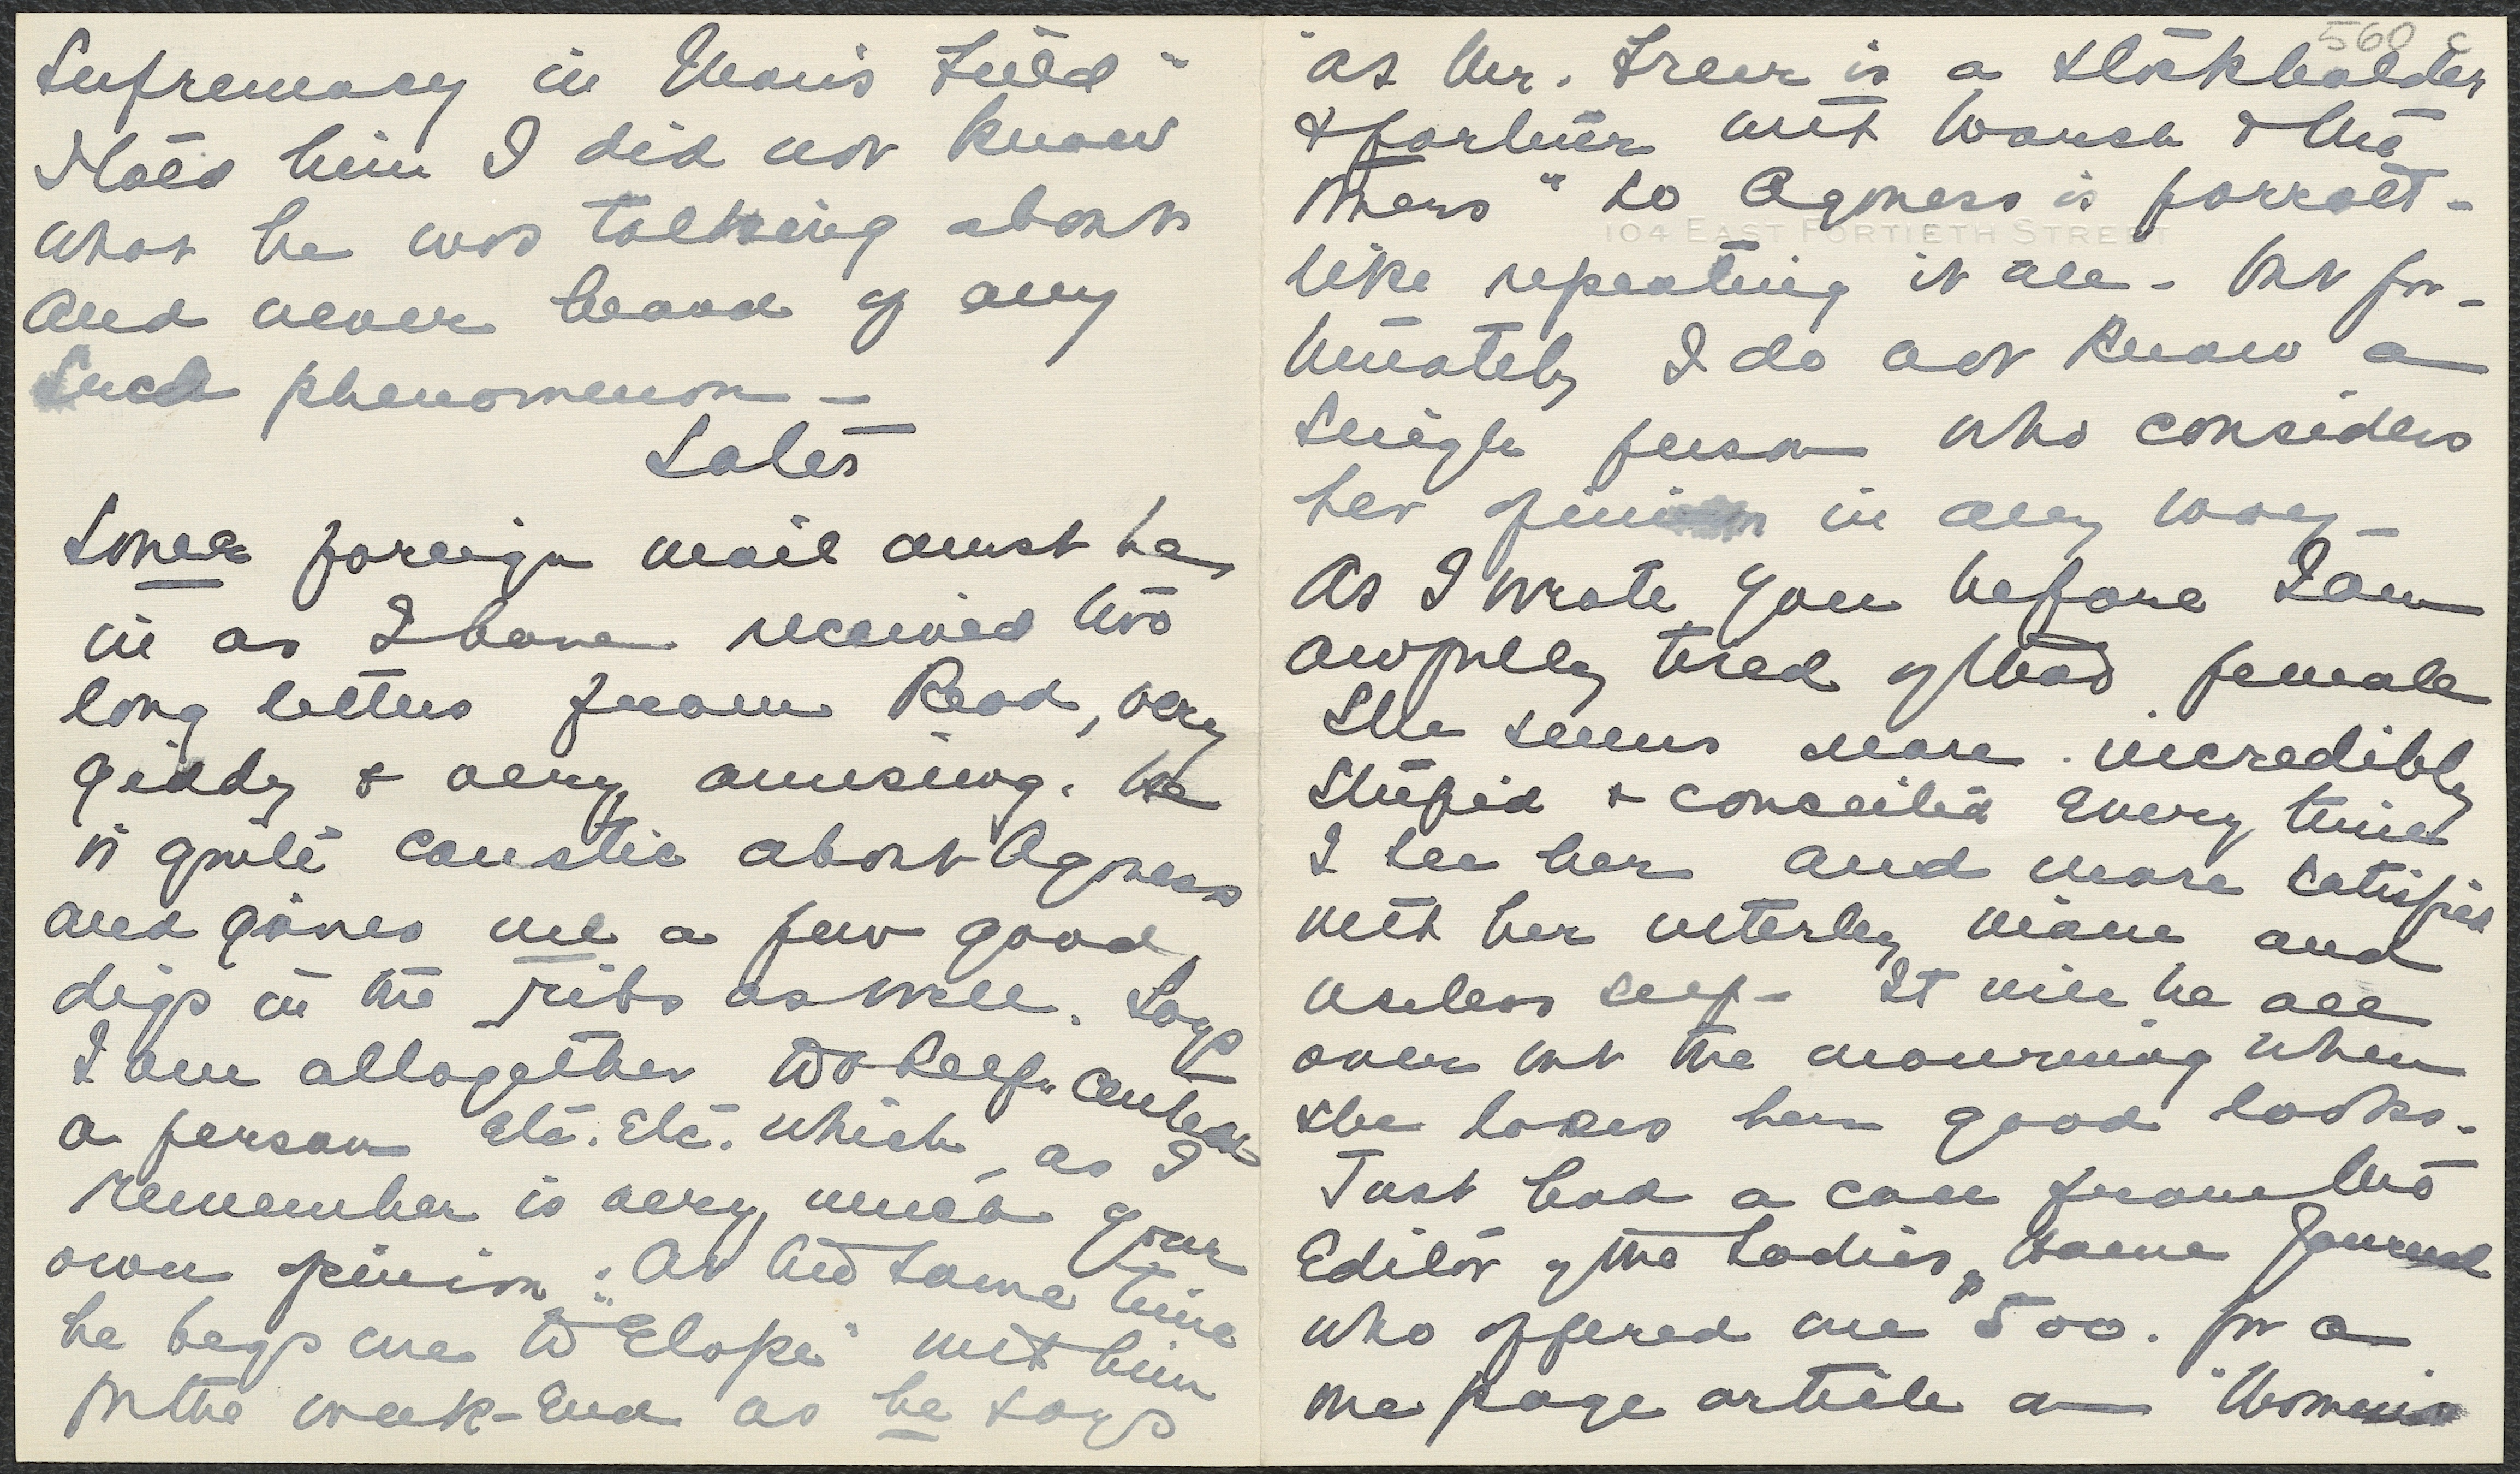“As Mr. Freer is a stakeholder & partner with Worch & the others” so Agoness is parrot-like repeating it all – but fortunately I do not know a single person who considers her opinion in any way – As I wrote you before I am awfully tired of that female
She seems more incredibly stupid & conceited every time I see her and more satisfied with her utterly inane and useless self – It will be all over but the mourning when she loses her good looks – Just had a call from the Editor of the Ladies Home Journal who offered me $500. for a one page article a – “Women’s
Supremacy in a Man’s Field”
I told him I did not know what he was talking about and never heard of any such phenomenon –
Later
Some foreign mail must be in as I have received two long letters from Read, very giddy & very amusing. He is quite caustic about Agoness and gives me a few good digs in the ribs as well. Says I am altogether too self-centered a person etc. etc. which, as I remember is very much your own opinion. At the same time he begs me to “elope” with him for the week-end as he says